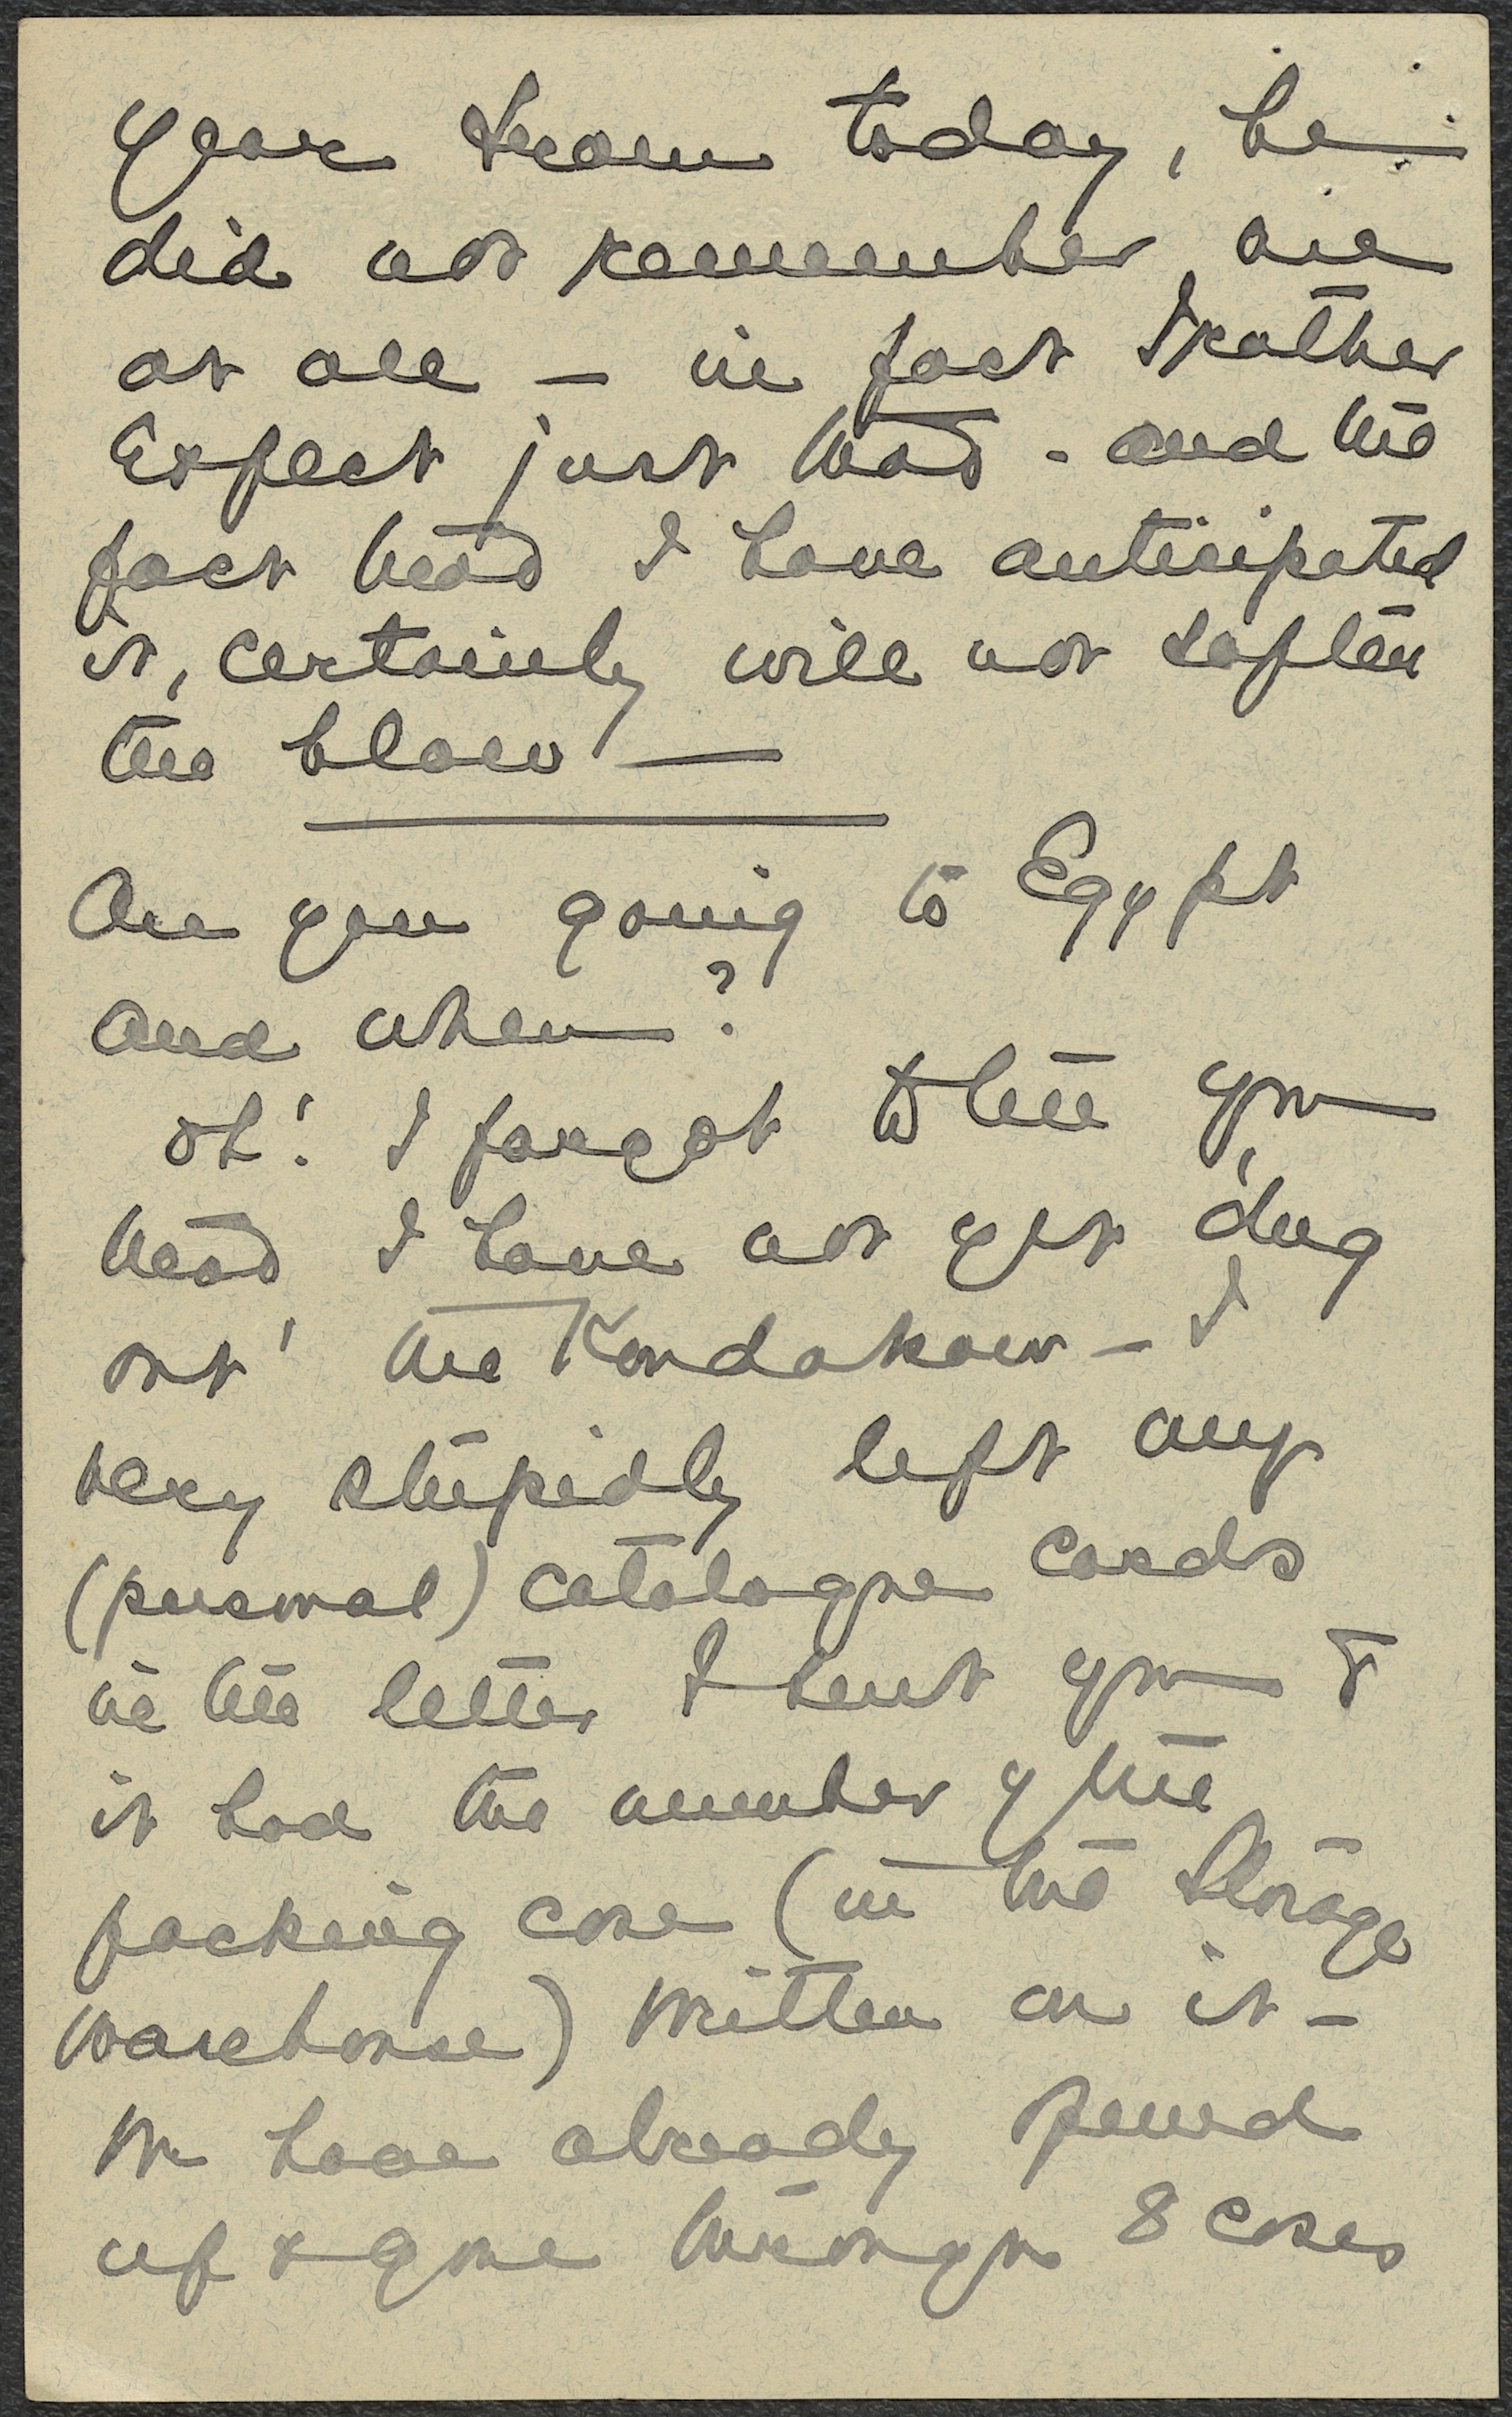year from today, he did not remember me at all – in fact I rather expect just that – and the fact that I have anticipated it, certainly will not soften the blow –
Are you going to Egypt and when?
Oh! I forgot to tell you that I have not yet ‘dug out’ the Kondakow – I very stupidly left my (personal) catalogue cards in the letter I sent you & it had the number of the packing case (in the storage warehouse) written on it – we have already opened up & gone through 8 cases